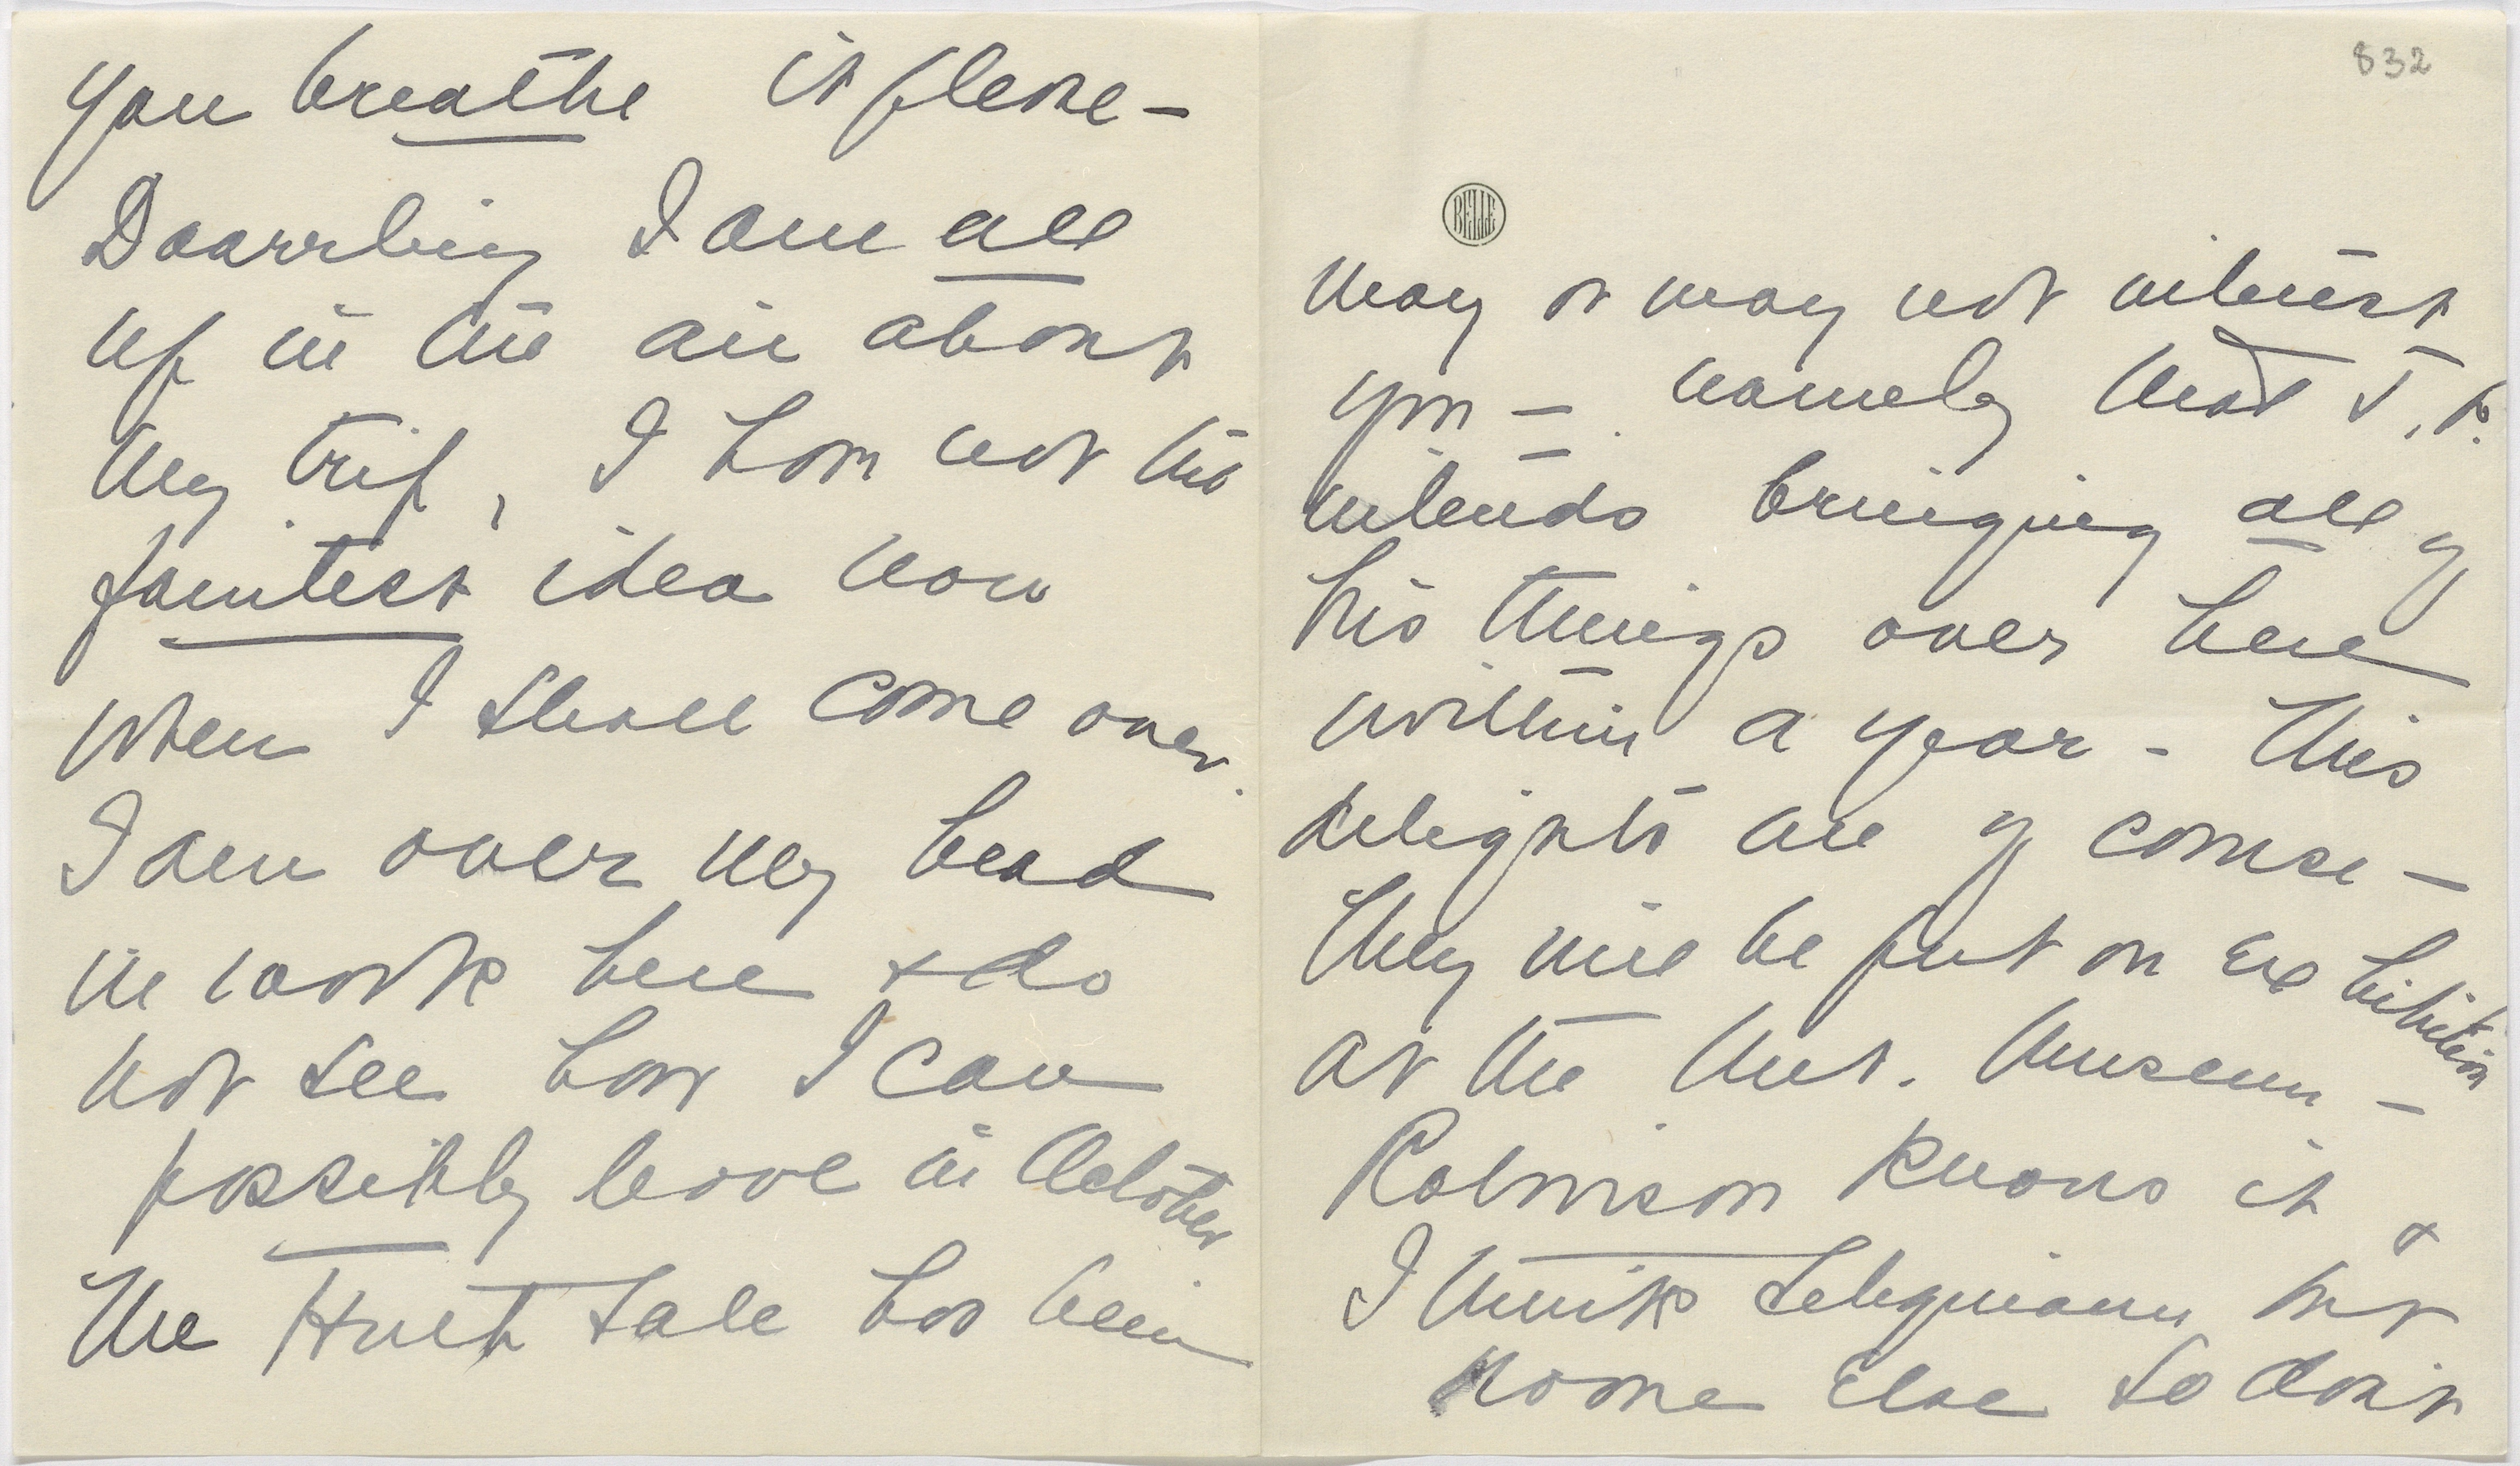may or may not interest you – namely that J. P. intends bringing [sic] all his things over here within a year – This delights me of course – They will be put on exhibition at the Met. Museum – Robinson knows it & I think Seligmann but no one else so don’t
you breathe it please –
Daarrling I am all up in the air about my trip, I have not the faintest idea now when I shall come over. I am over my head in work here & do not see how I can possibly leave in October. The Huth Sale has been